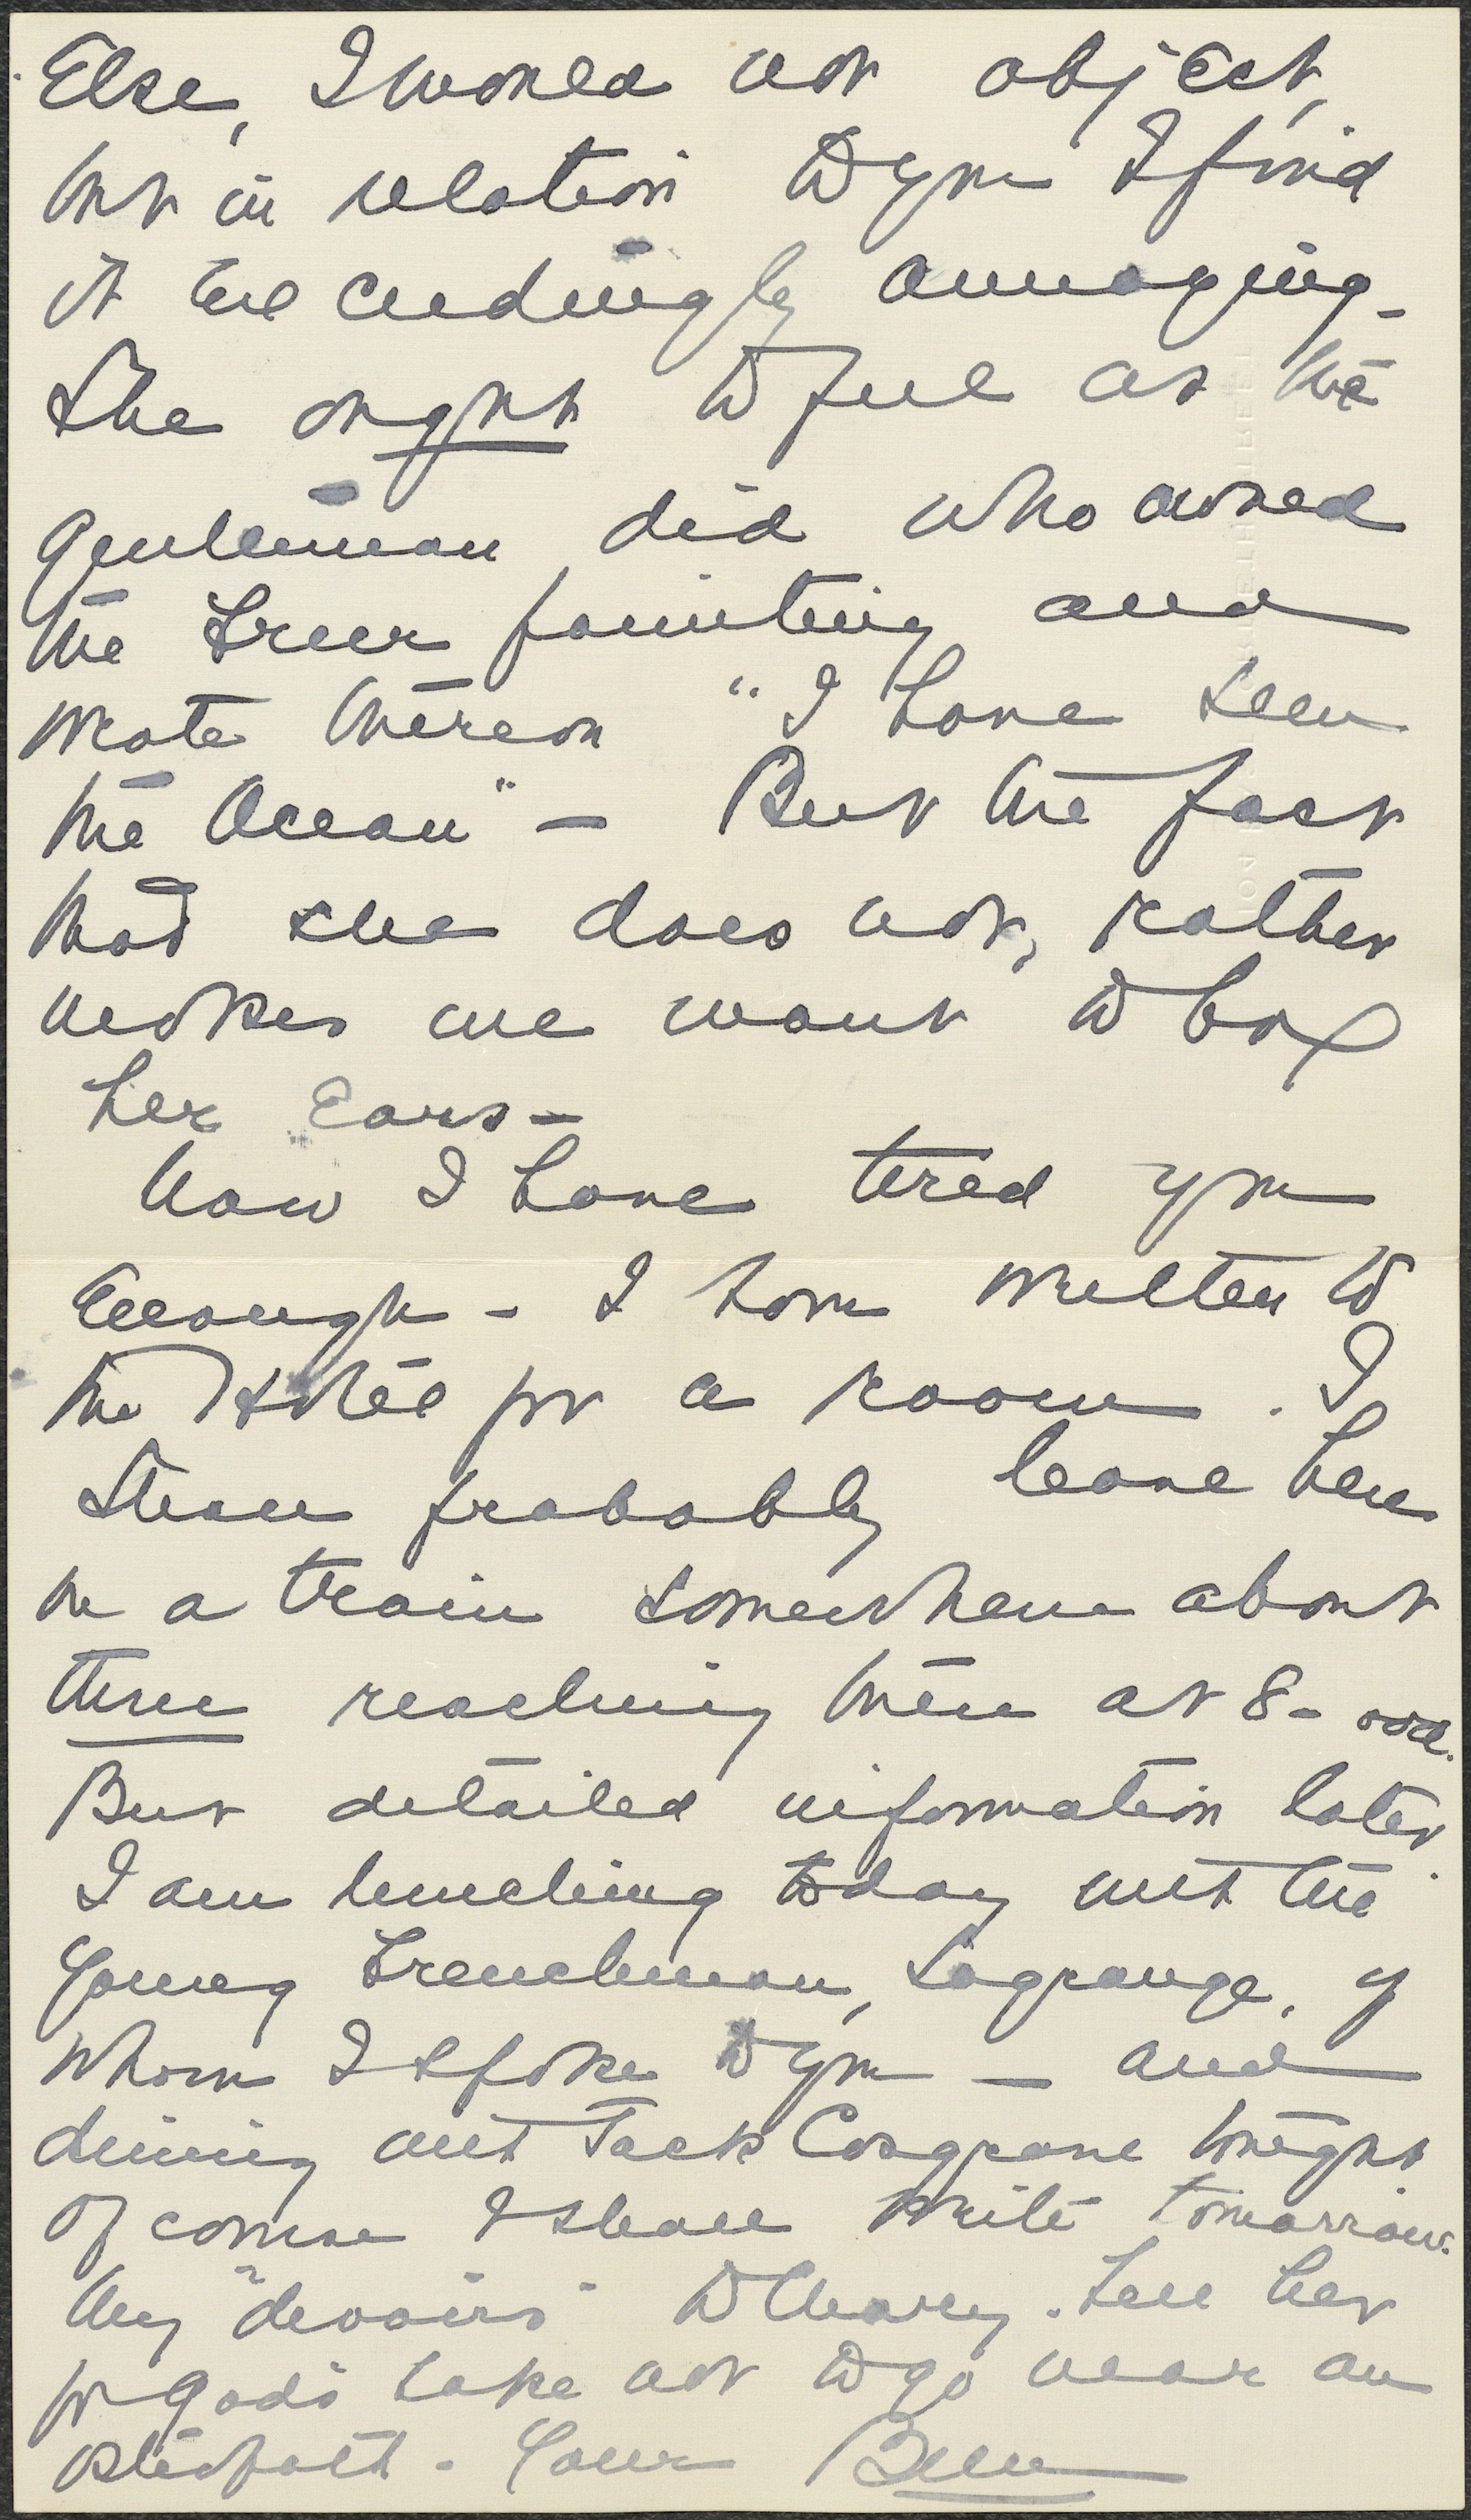else, I would not object, but in relation to you I find it exceedingly annoying – She ought to feel as the gentleman did who owned the Freer painting and wrote thereon “I have seen the ocean” – But the fact that she does not, rather makes me want to box her ears –
Now I have tired you enough – I have written to the Hotel for a room. I shall probably leave here on a train somewhere about three reaching there at 8 – oclock. But detailed information later. I am lunching today with the young Frenchman, Lagrange, of whom I spoke to you – and driving with Jack Cosgrave tonight. Of course I shall write tomorrow. My “devoirs” to Mary. Tell her for god’s sake not to go near an osteopath – Your Belle